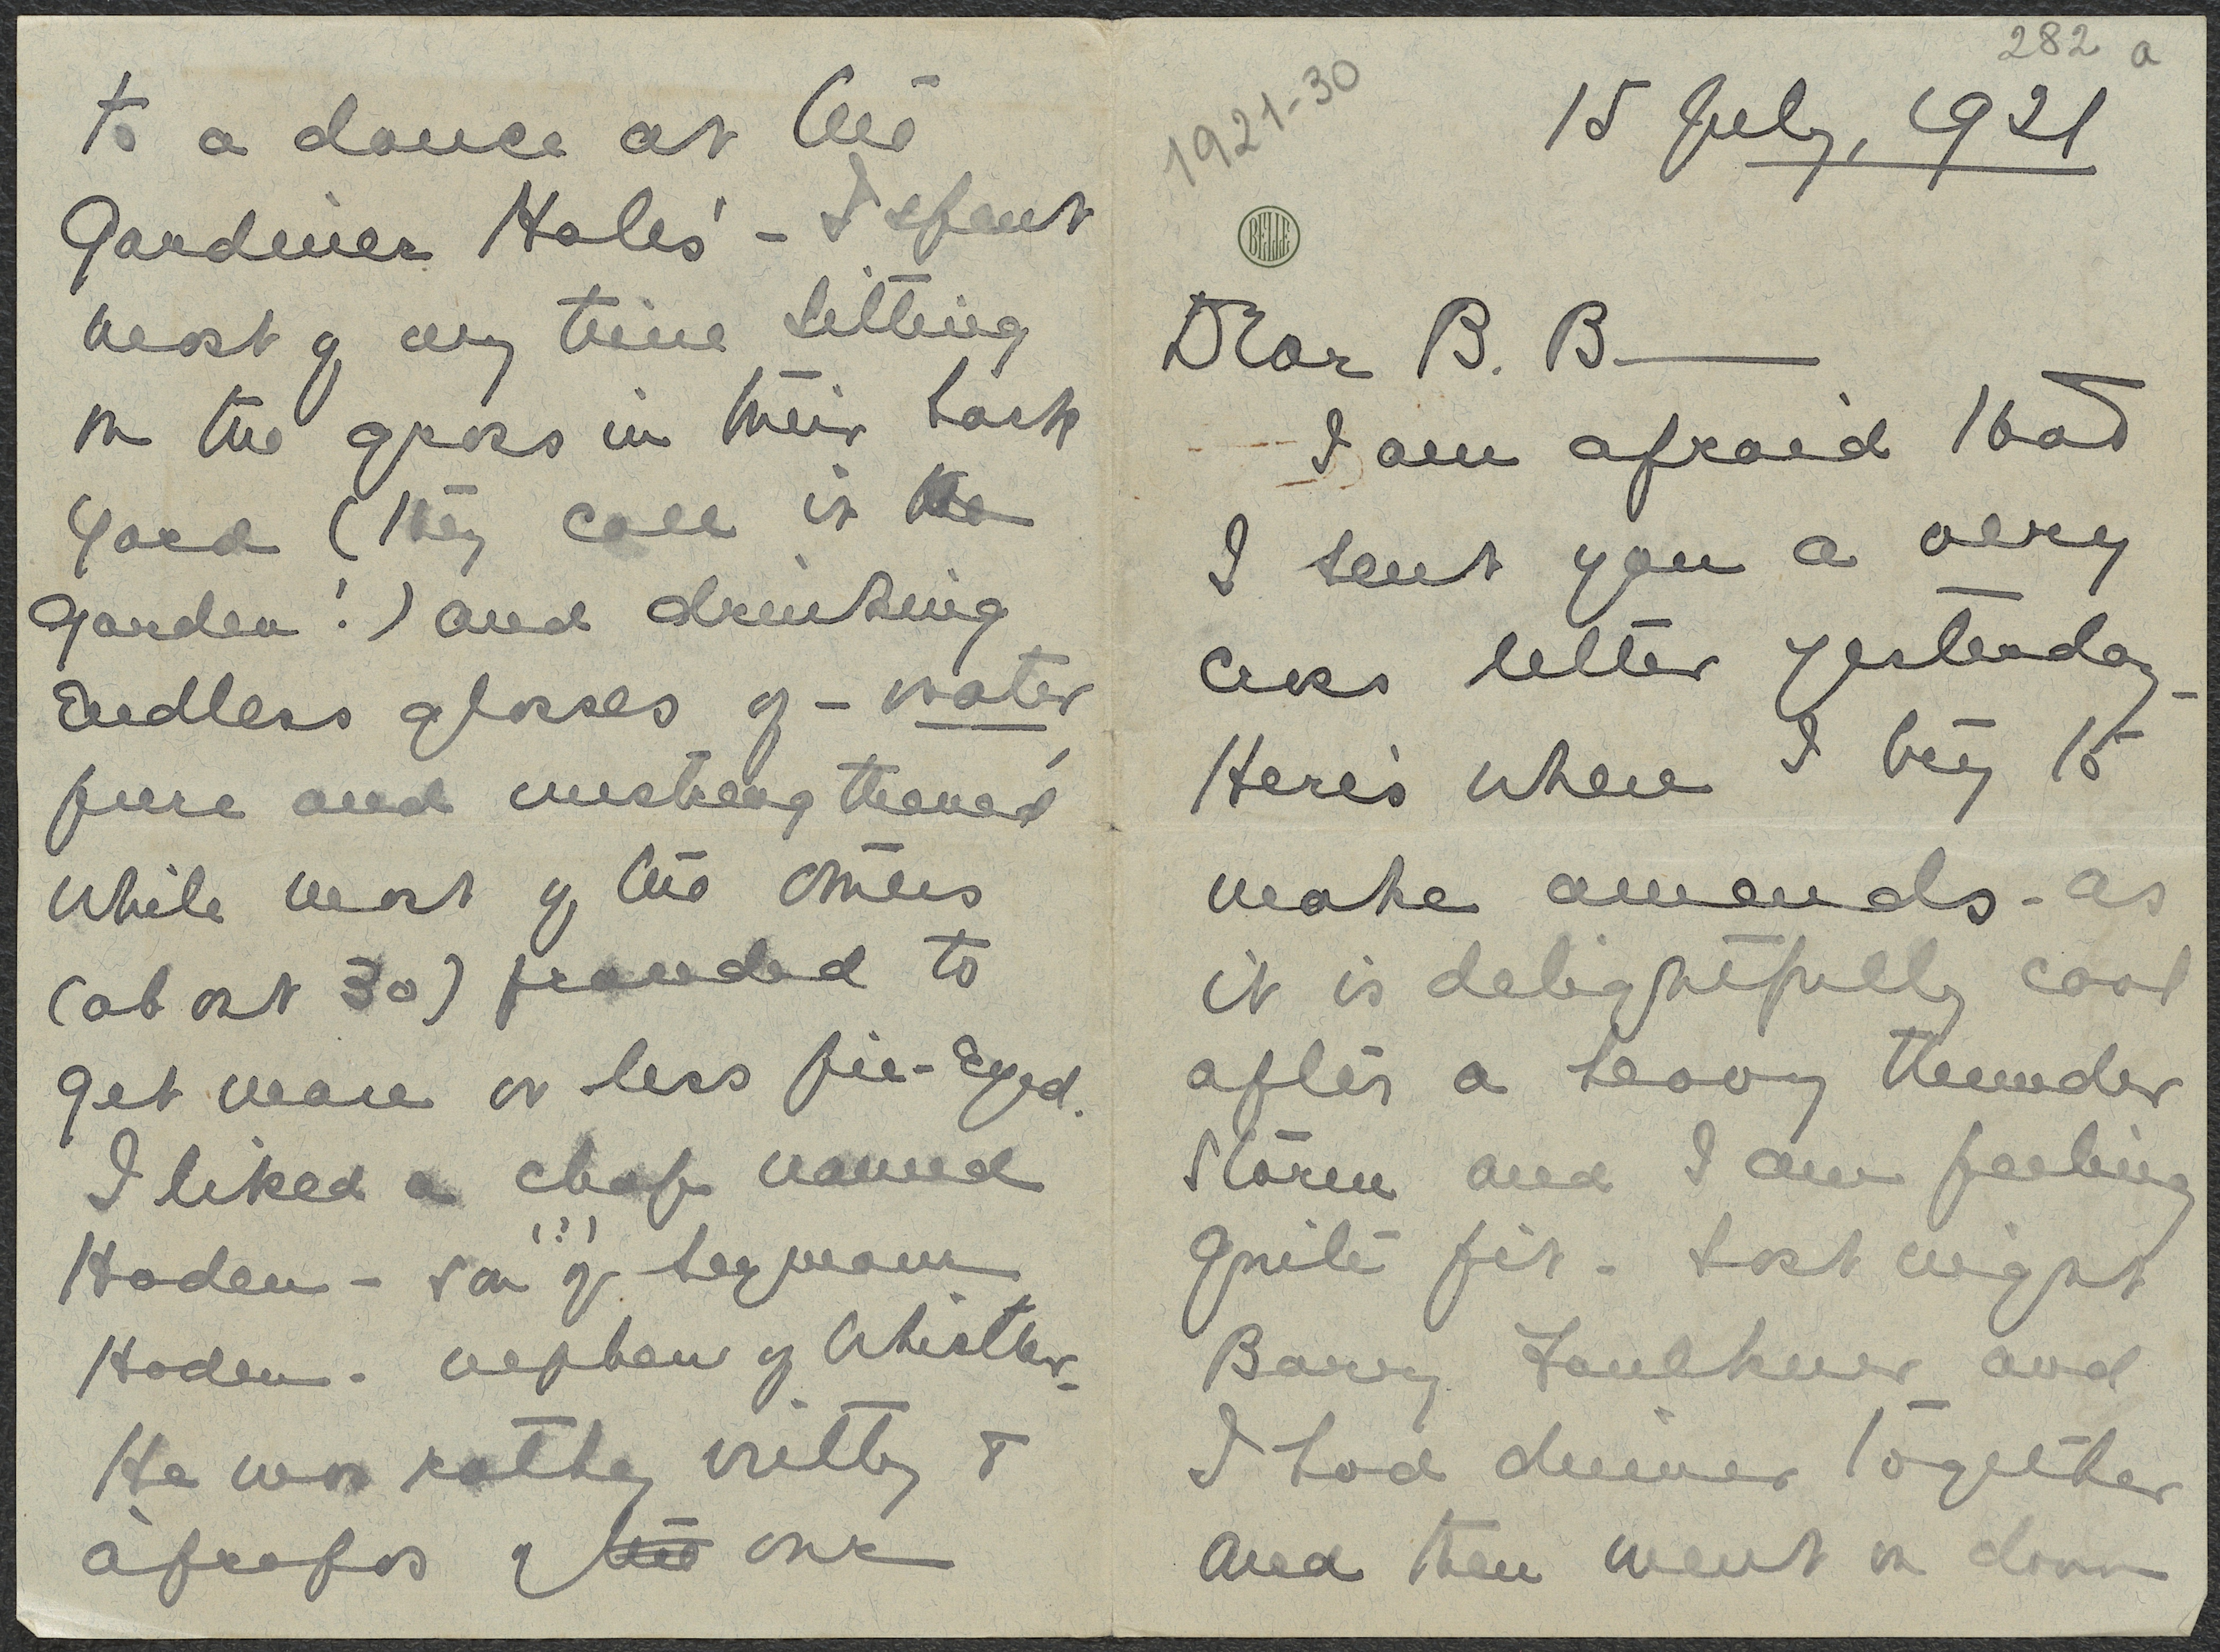15 July, 1921
Dear B.B. –
I am afraid that I sent you a very cross letter yesterday – Here’s where I try to make amends – as it is delightfully cool after a heavy thunderstorm and I am feeling quite fit – Last night Barry Faulkner and I had dinner together and then went on down
to a dance at the Gardiner [sic] Hale’s – I spent most of my time sitting on the grass in their back yard (they call it the garden!) and drinking endless glasses of – water, pure and unstrengthened while most of the others (about 30) proceeded to get more or less pie-eyed. I liked a chap named Haden – son [^(?)^] of Seymour Haden – nephew of Whistler. He was rather witty & àpropos of the our